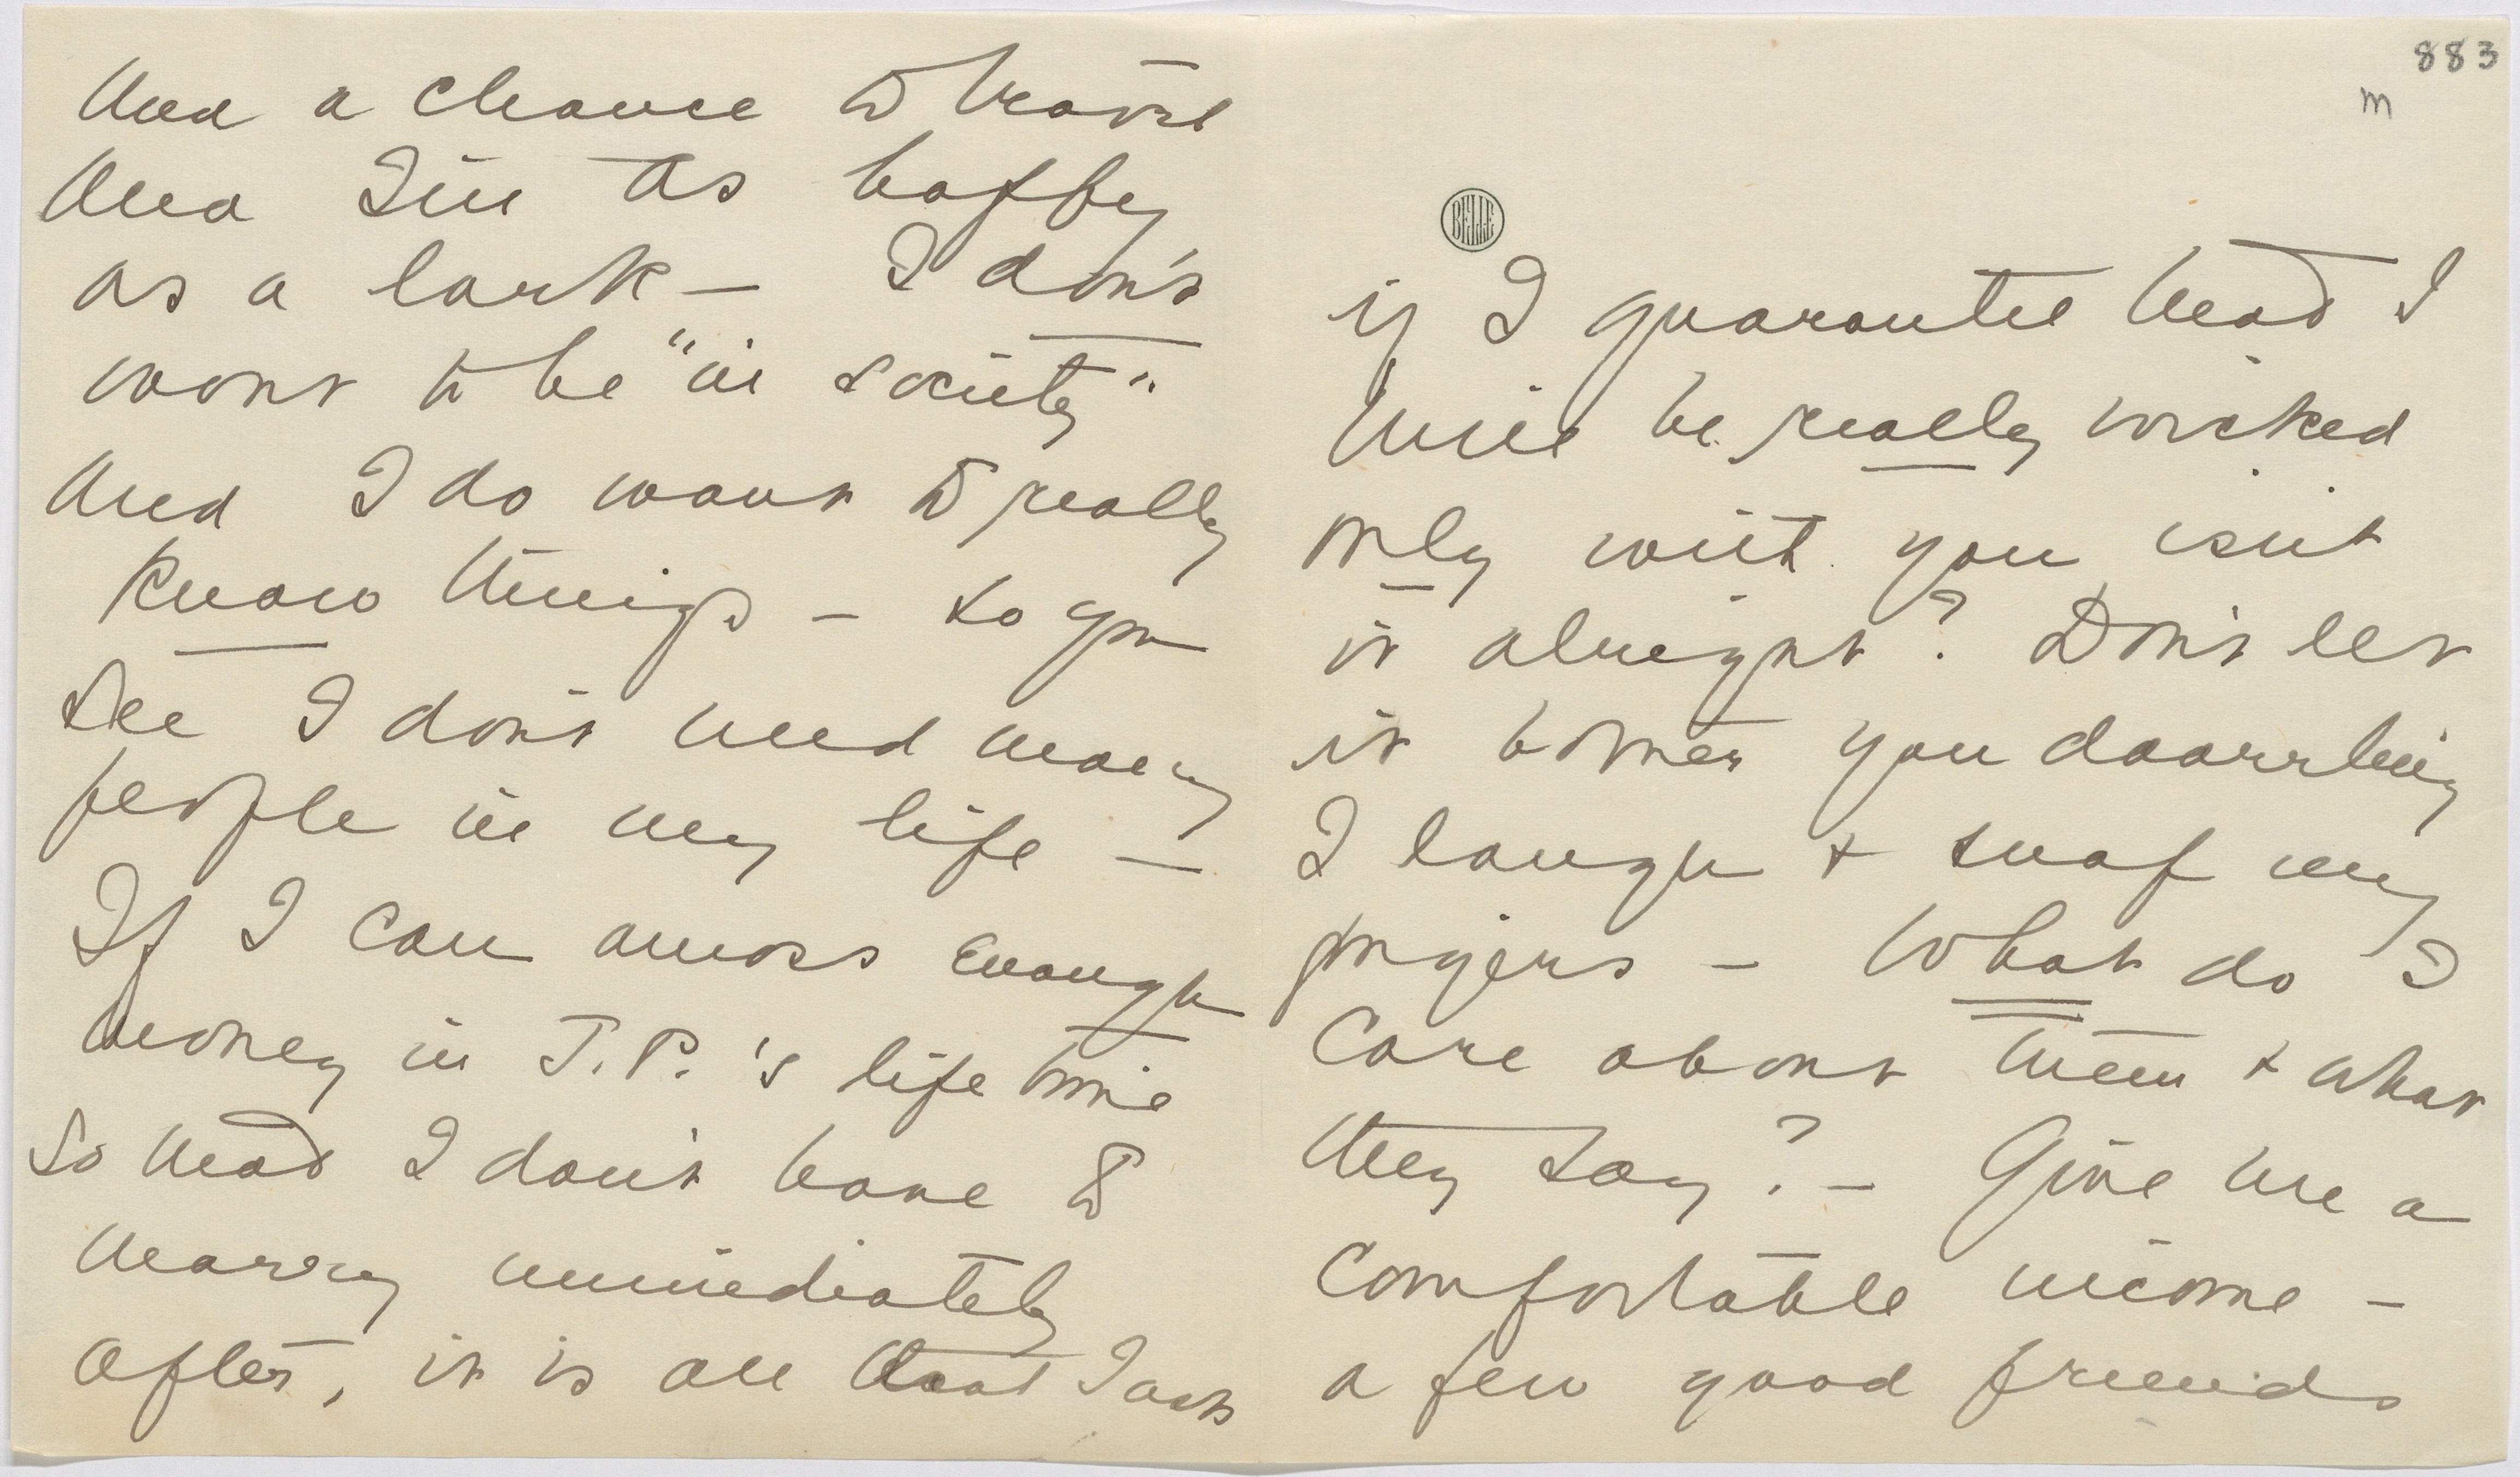if I guarantee that I will be really wicked only with you isn’t it alright? Don’t let it bother you daarrling I laugh & snap my fingers – [double underlined: What] do I care about them & what they say? – Give me a comfortable income – a few good friends
and a chance to travel and I’m as happy as a lark – I don’t want to be “in society” and I do want to really know things – so you see I don’t need many people in my life – If I can amass enough money in J. P.’s life time so that I don’t have to marry immediately after, it is all that I ask